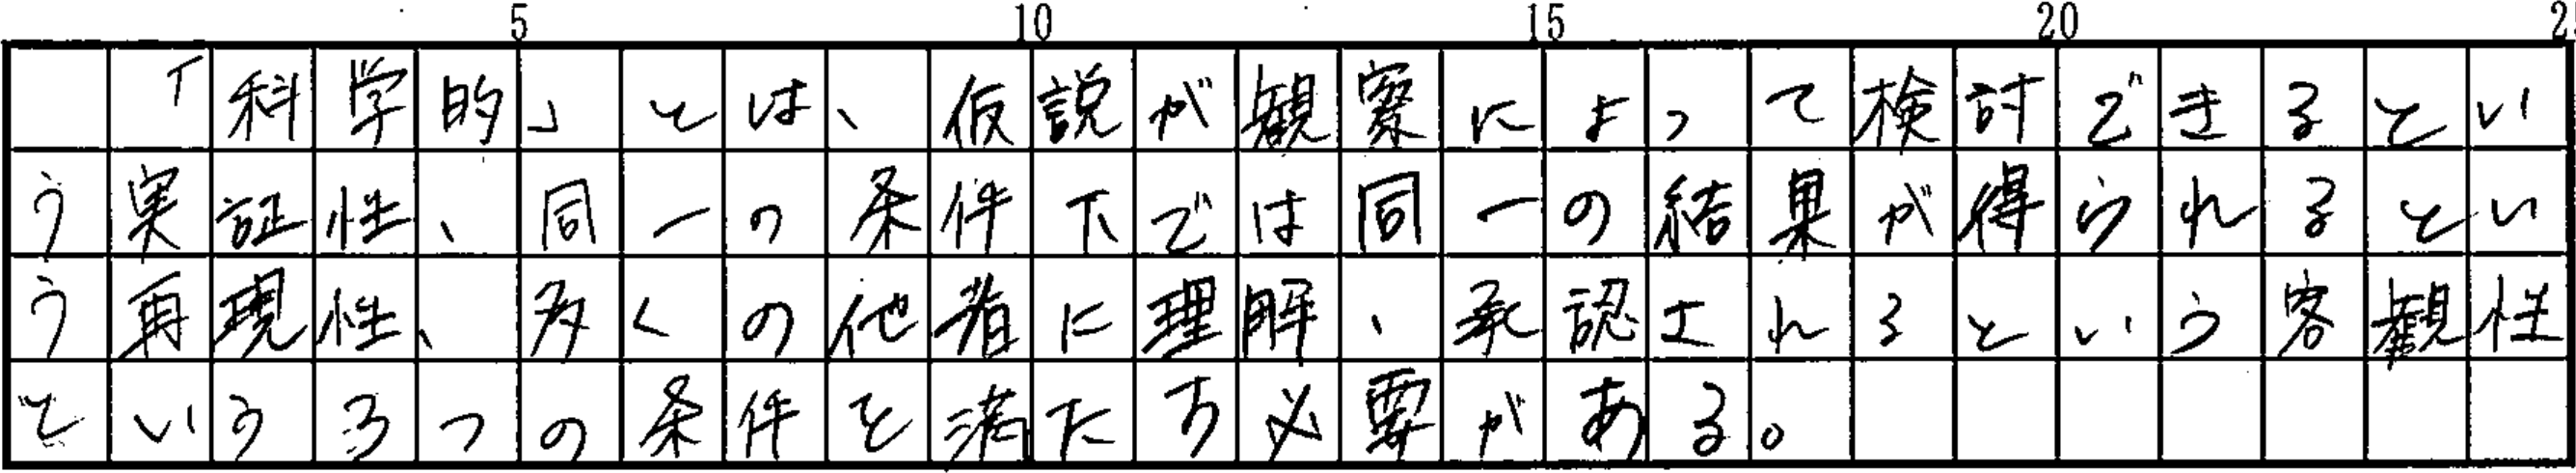　「科学的」とは、仮説が観察によって検討できるという実証性、同一の条件下では同一の結果が得られるという再現性、多くの他者に理解、承認されるという客観性という３つの条件を満たす必要がある。
